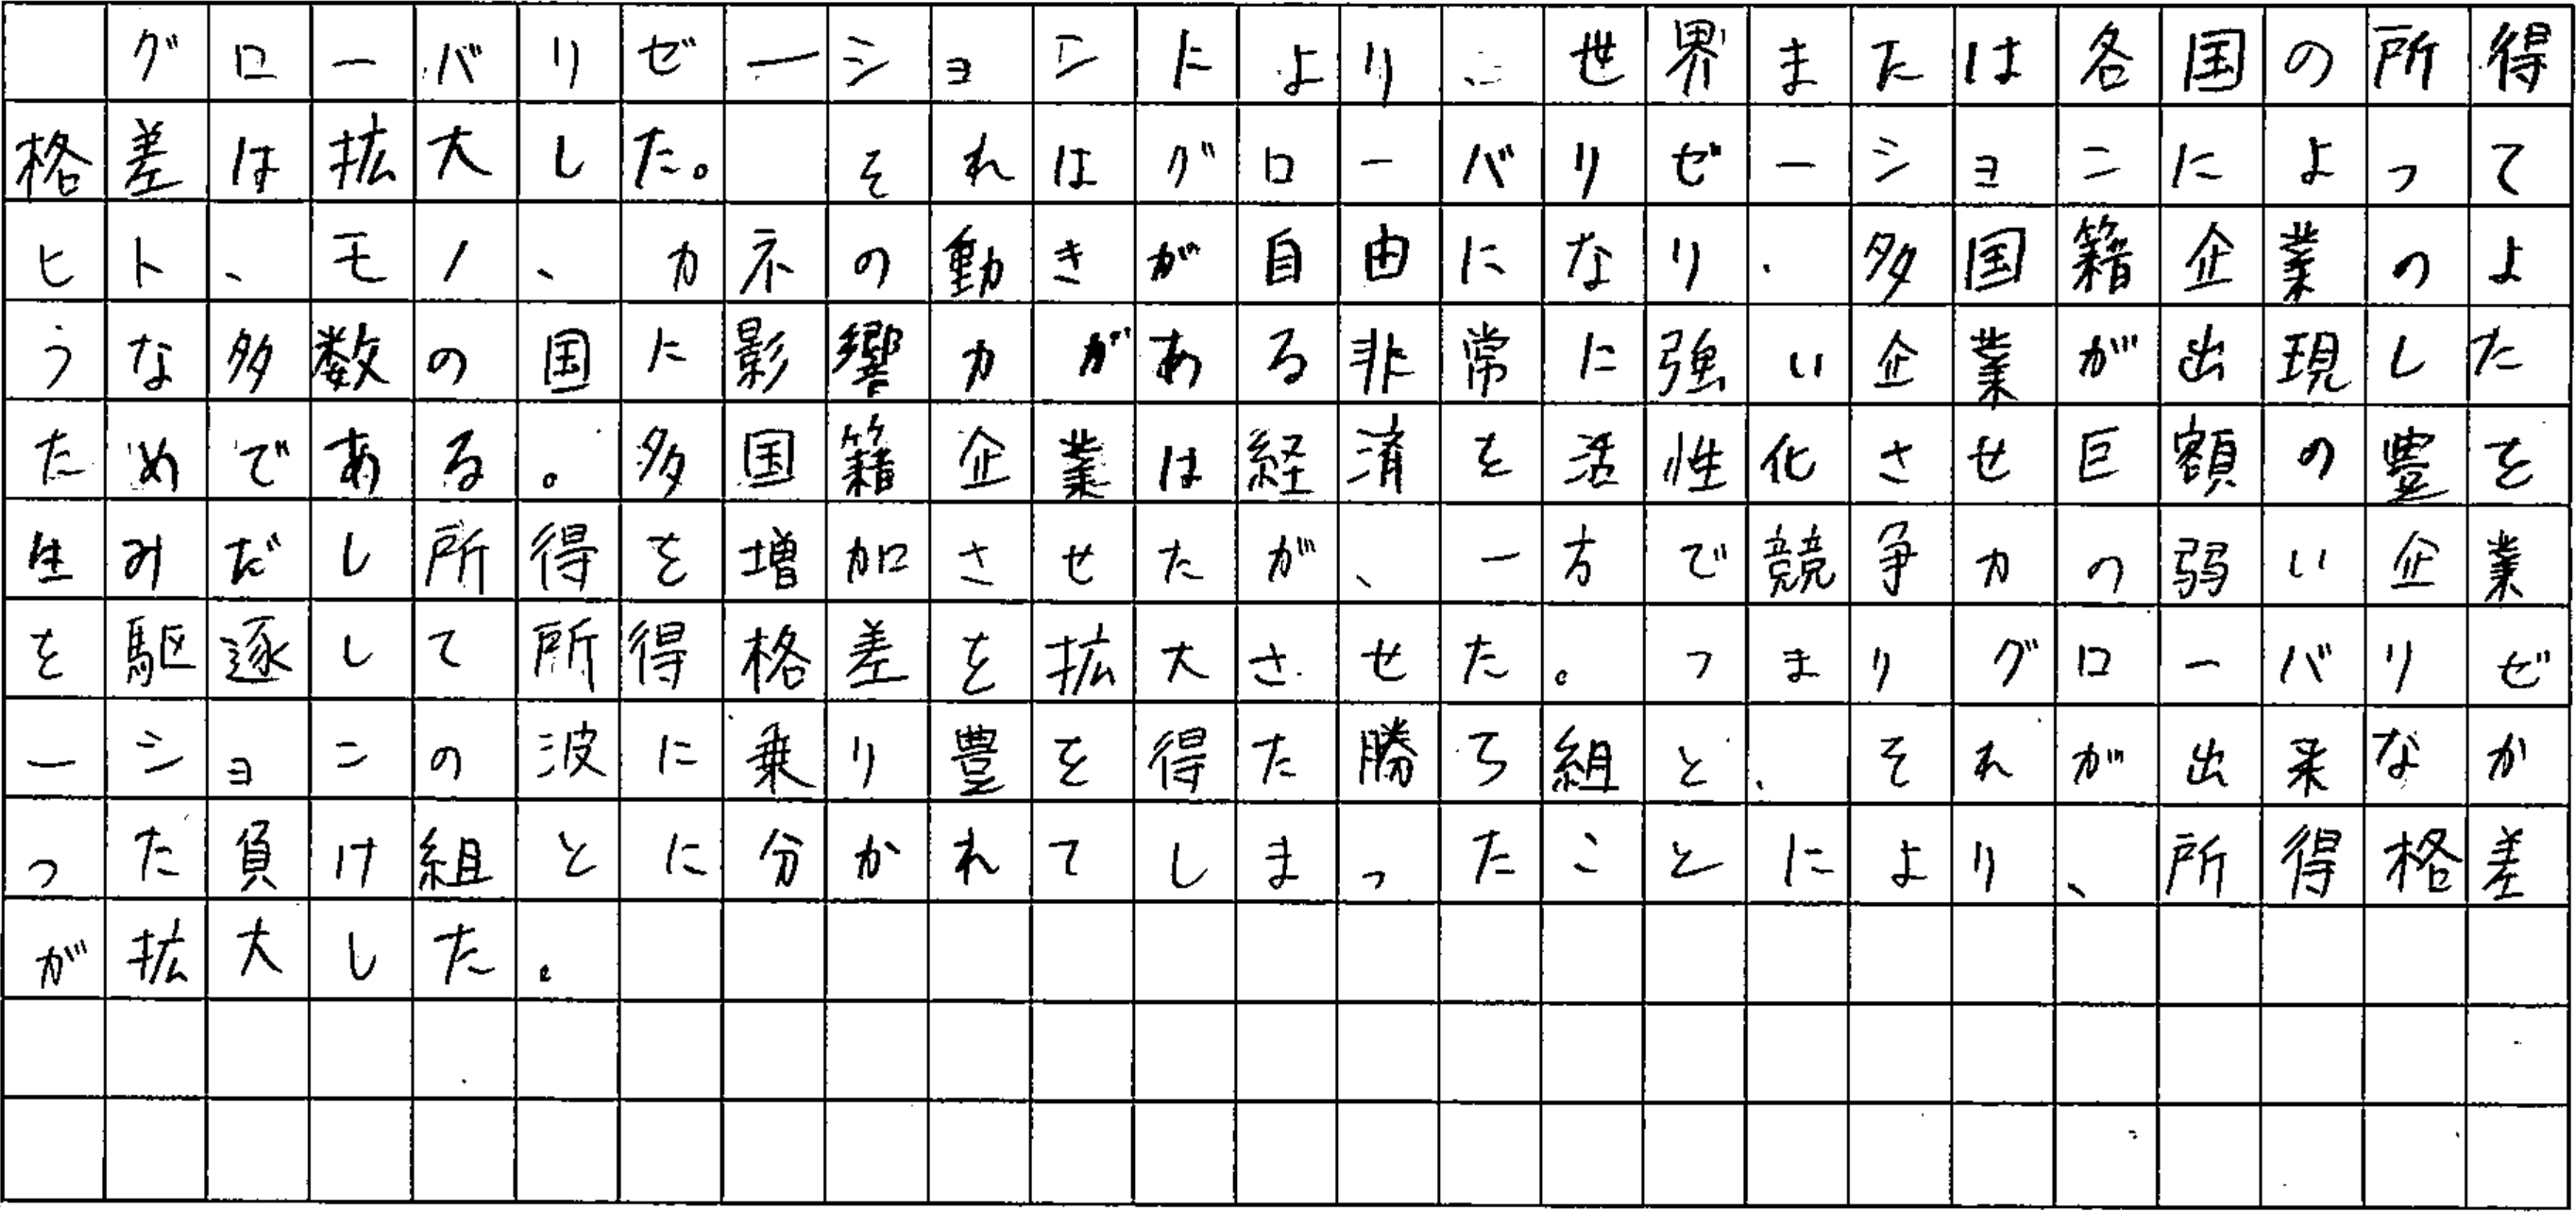　グローバリゼーションにより、世界または各国の所得格差は拡大した。それはグローバリゼーションによってヒト、モノ、カネの動きが自由になり、多国籍企業のような多数の国に影響力がある非常に強い企業が出現したためである。多国籍企業は経済を活性化させ巨額の豊を生みだし所得を増加させたが、一方で競争力の弱い企業を駆逐して所得格差を拡大させた。つまりグローバリゼーションの波に豊を得た勝ち組と、それが出来なかった負け組とに分かれてしまったことにより、所得格差が拡大した。
